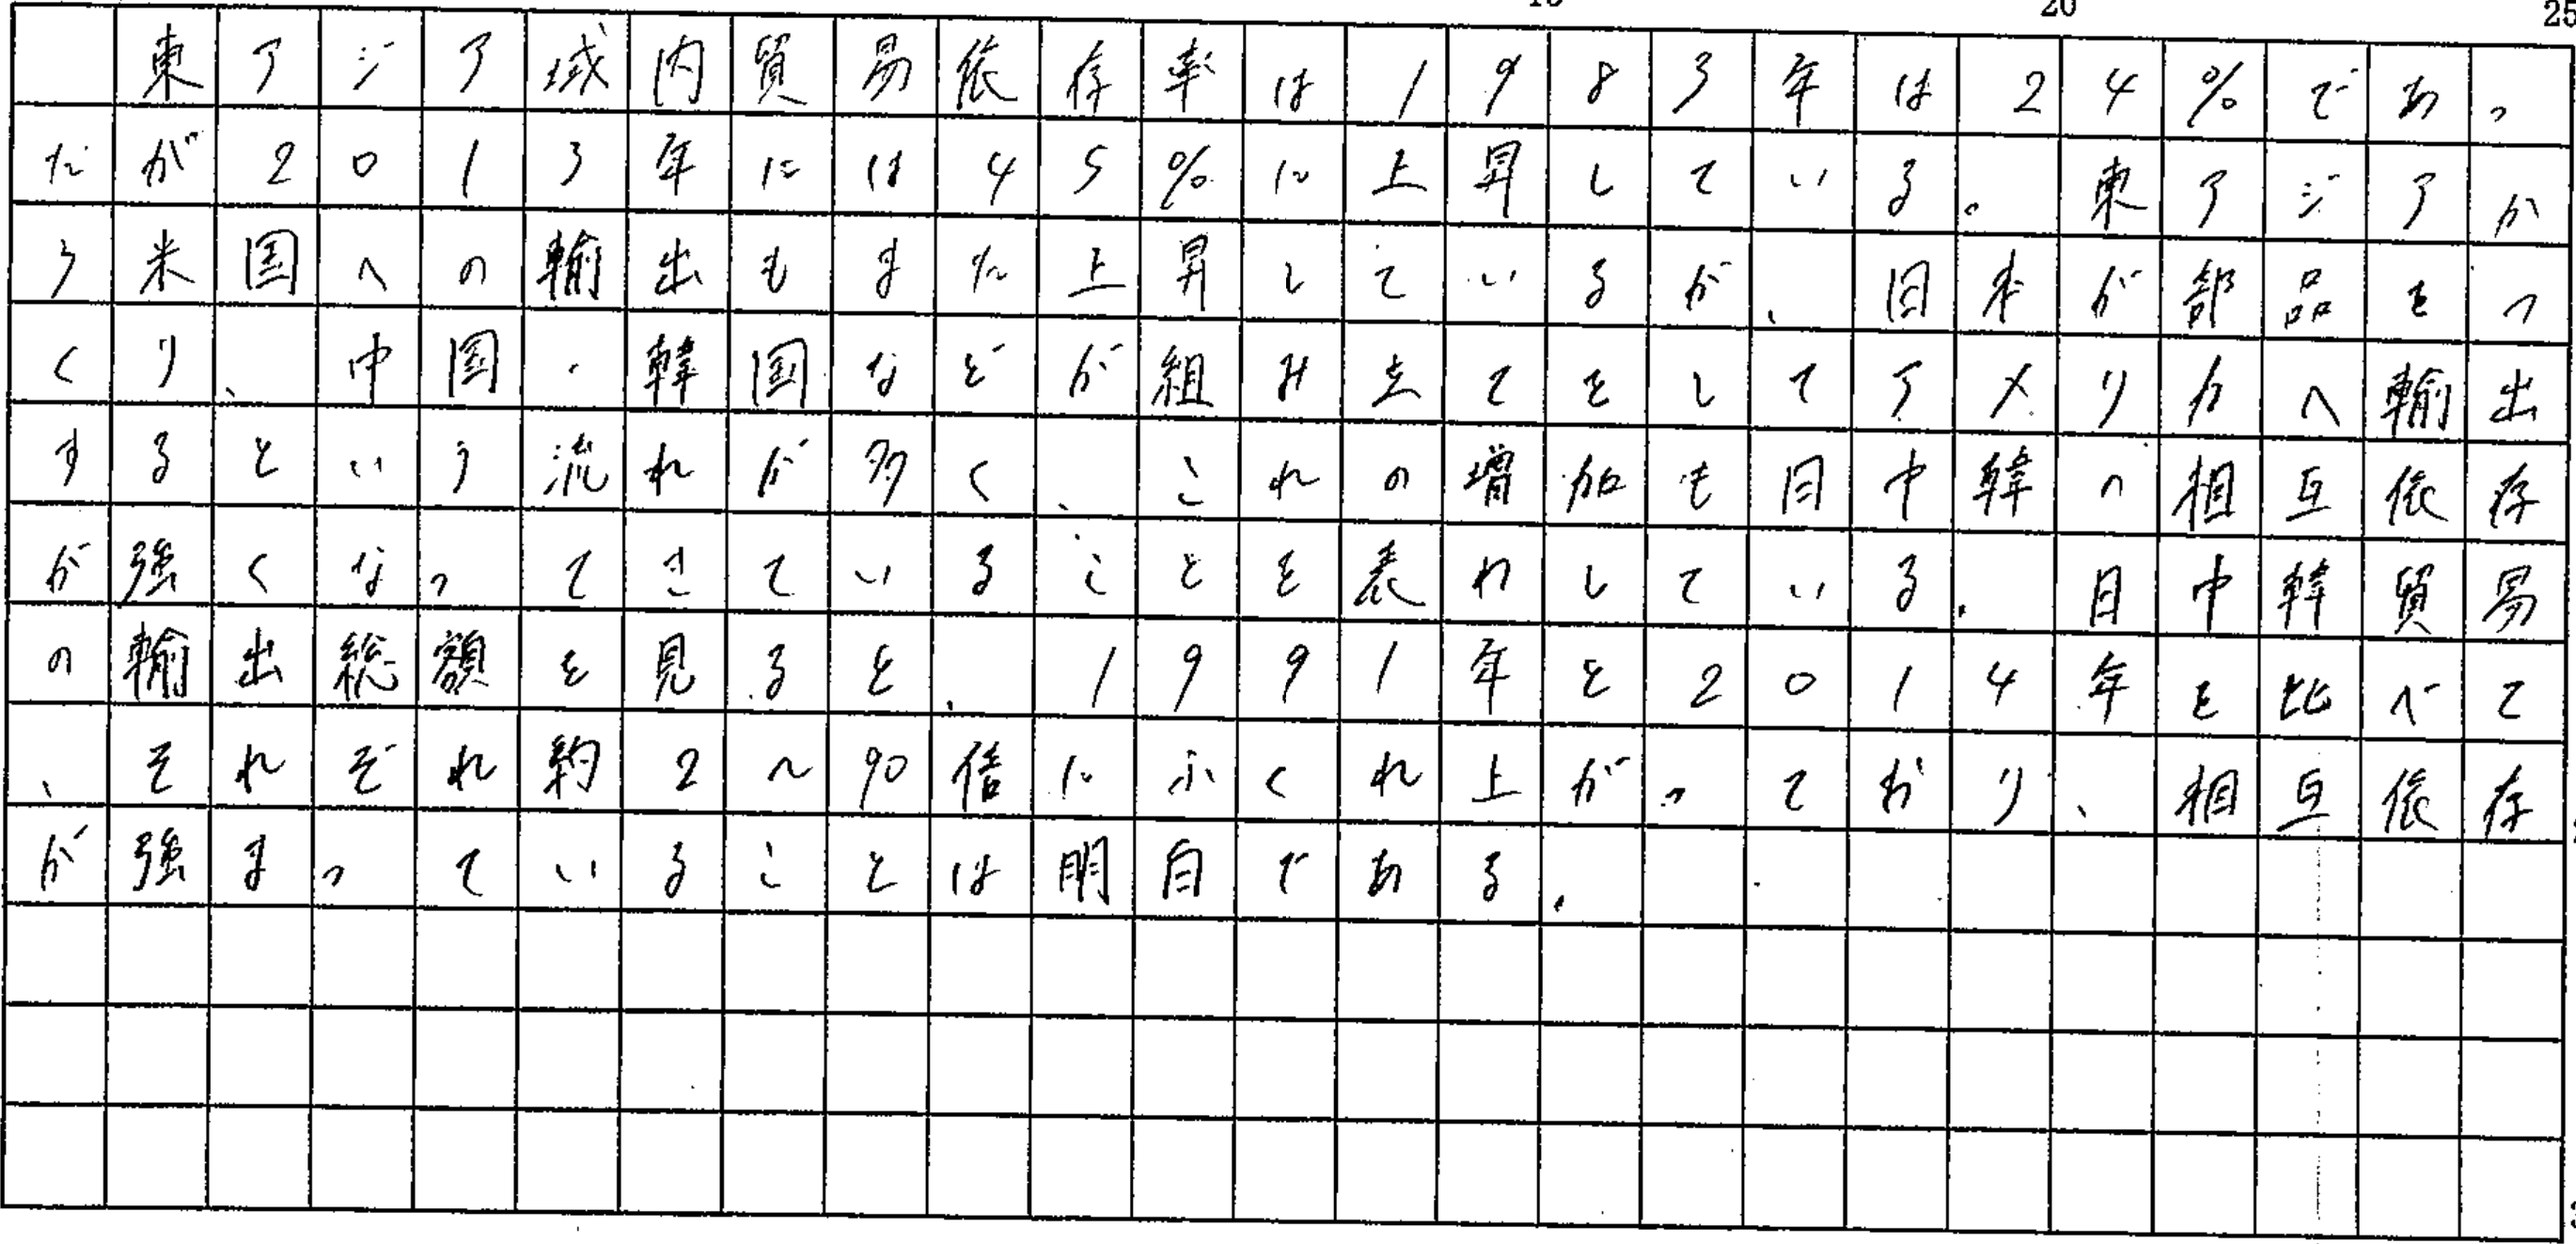　東アジア域内貿易依存率は１９８３年は２４％であったが２０１３年には４５％に上昇している。東アジアから米国への輸出もまた上昇しているが、日本が部品をつくり、中国・韓国などが組み立てをしてアメリカへ輸出するという流れが多く、これの増加も日中韓の相互依存が強くなってきていることを表わしている。日中韓貿易の輸出総額を見ると、１９９１年と２０１４年を比べて、それぞれ約２～90倍にふくれ上がっており、相互依存が強まっていることは明白である。
